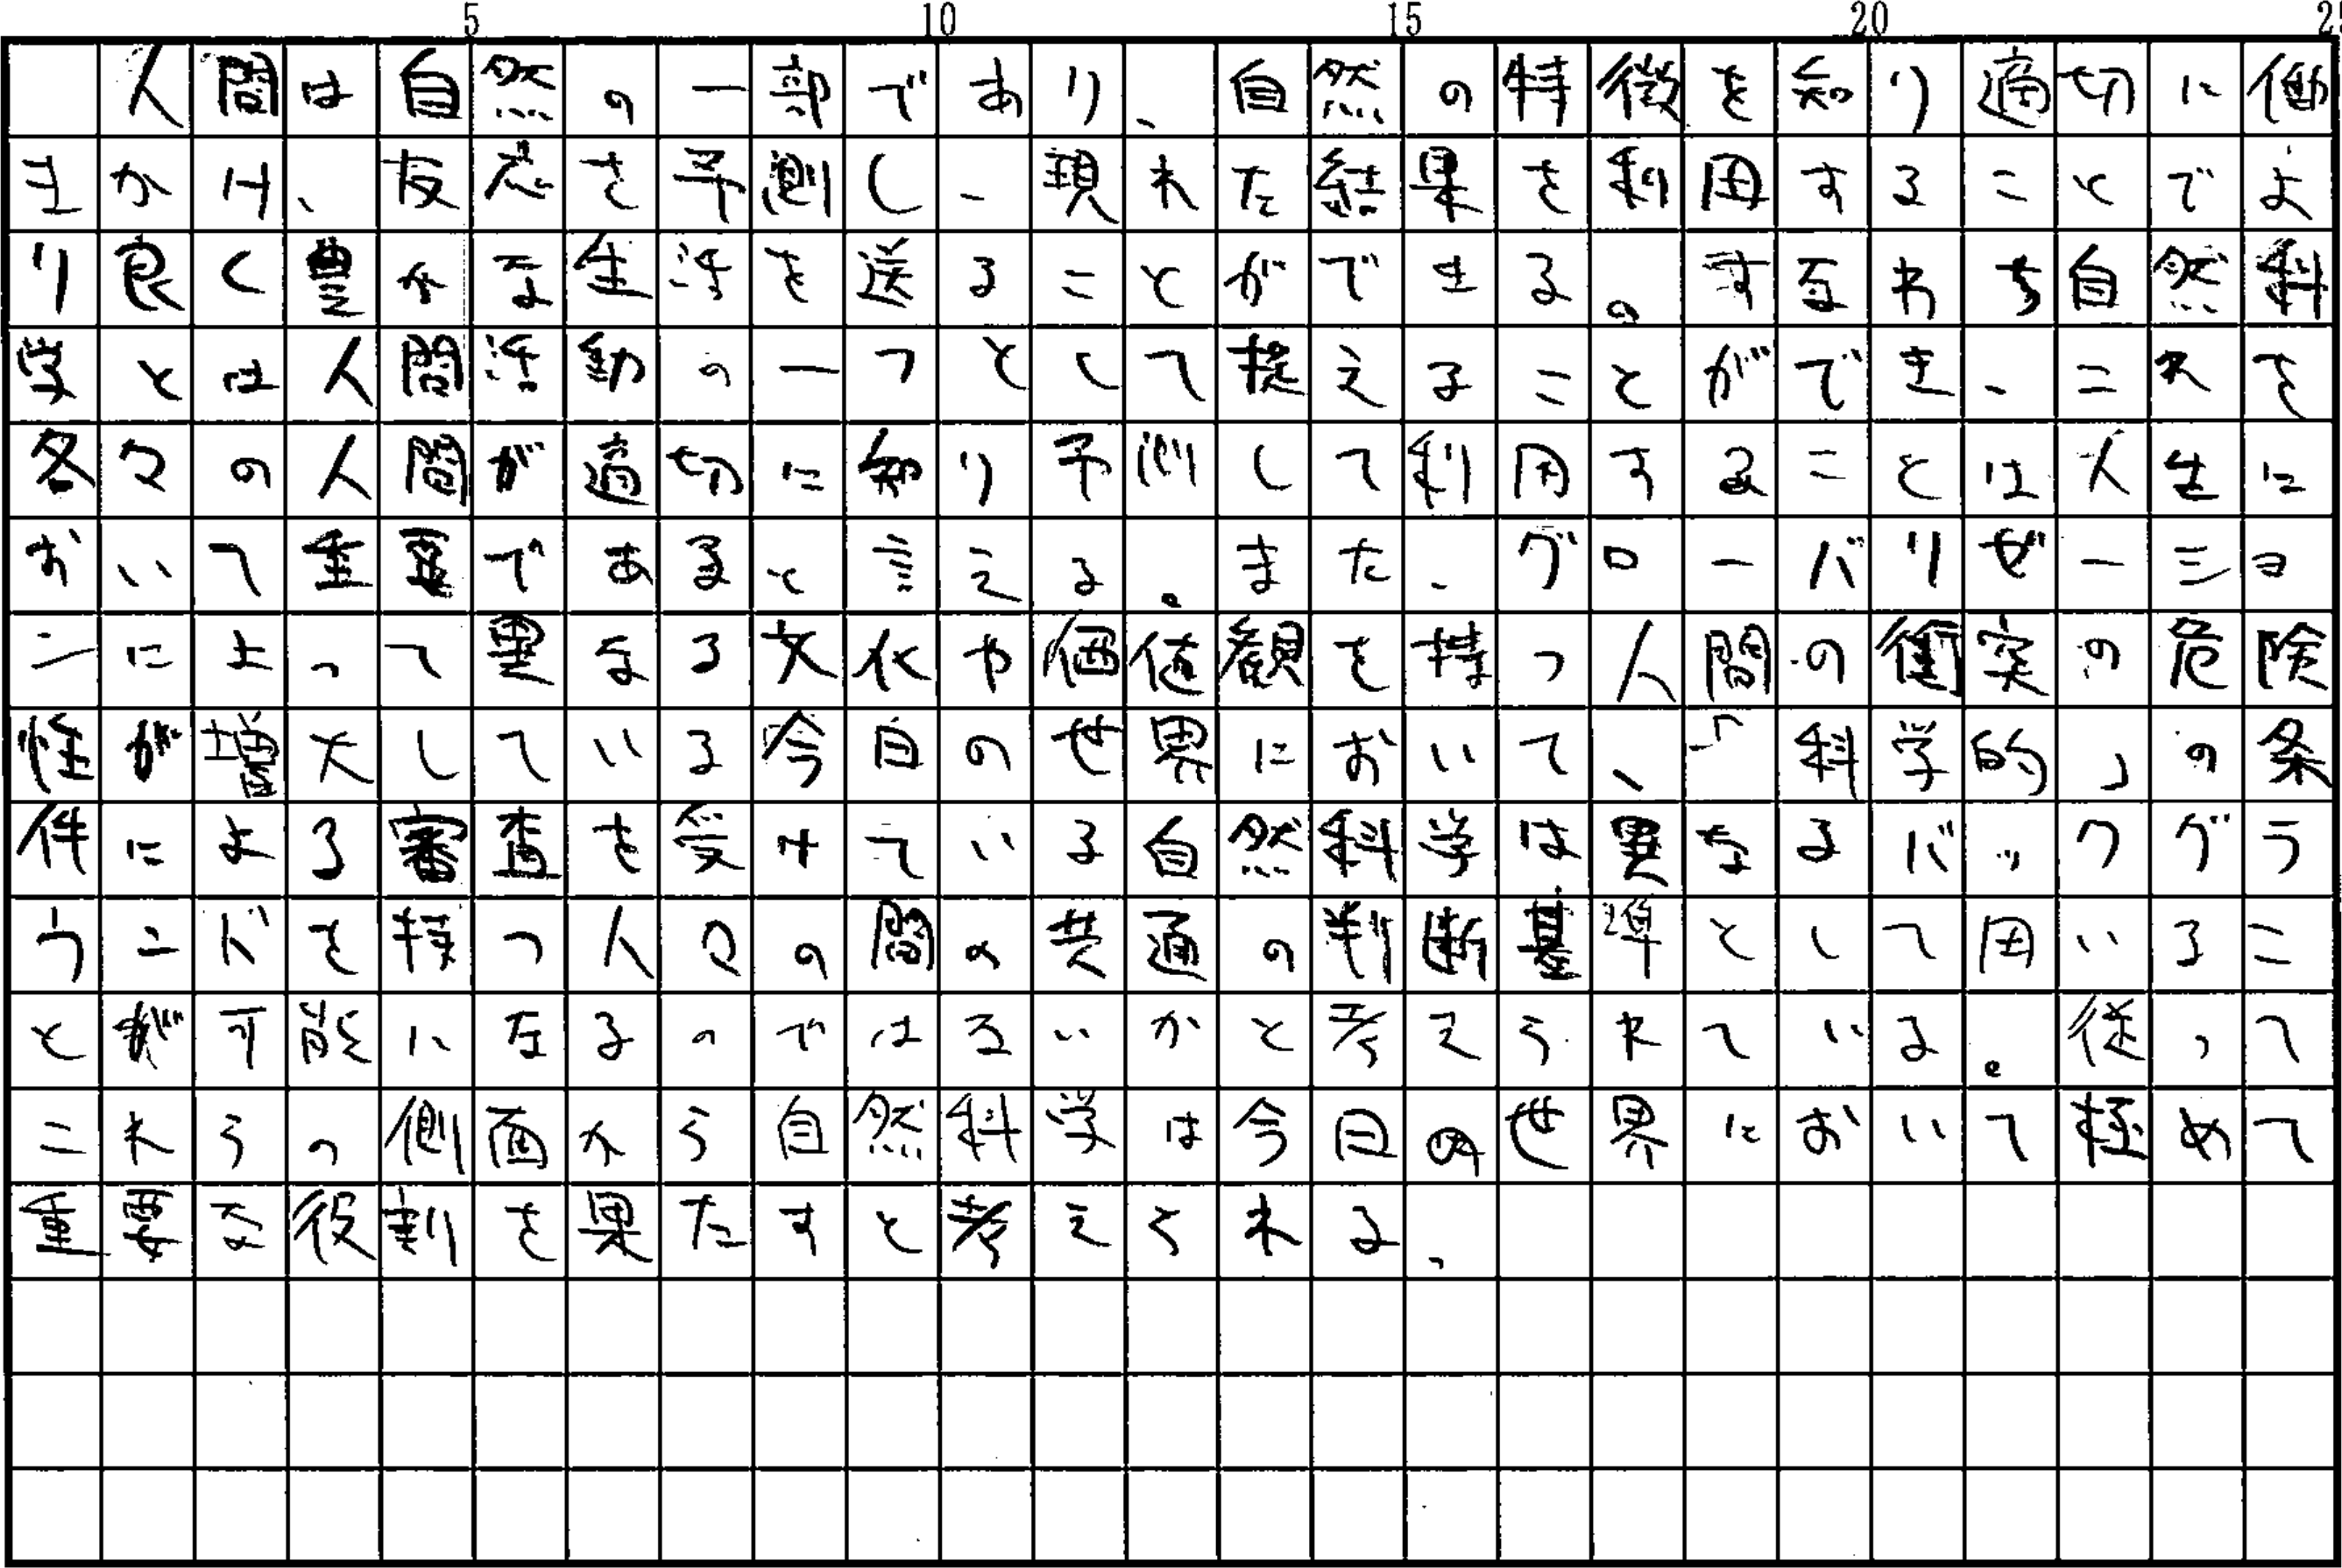　人間は自然の一部であり、自然の特徴を知り適切に働きかけ、反応を予測し、現れた結果を利▁することでより良く豊かな生活を送ることができる。すなわち自然科学とは人間活動の一つとして▁えることができ、これを各々の人間が適切に知り予測して利用することは人生において重要であると言える。また、グローバリゼーションによって異なる文化や価値観を持つ人間の衝突の危険性が増大している今日の世界において、「科学的」の条件による審査を受けている自然科学は異なるバックグラウンドを持つ人々の間の共通の判断基準として▁いることが可能になるのではないかと考えられている。従ってこれらの側面から自然科学は今日の世界において極めて重要な役割を果たすと考えられる。
